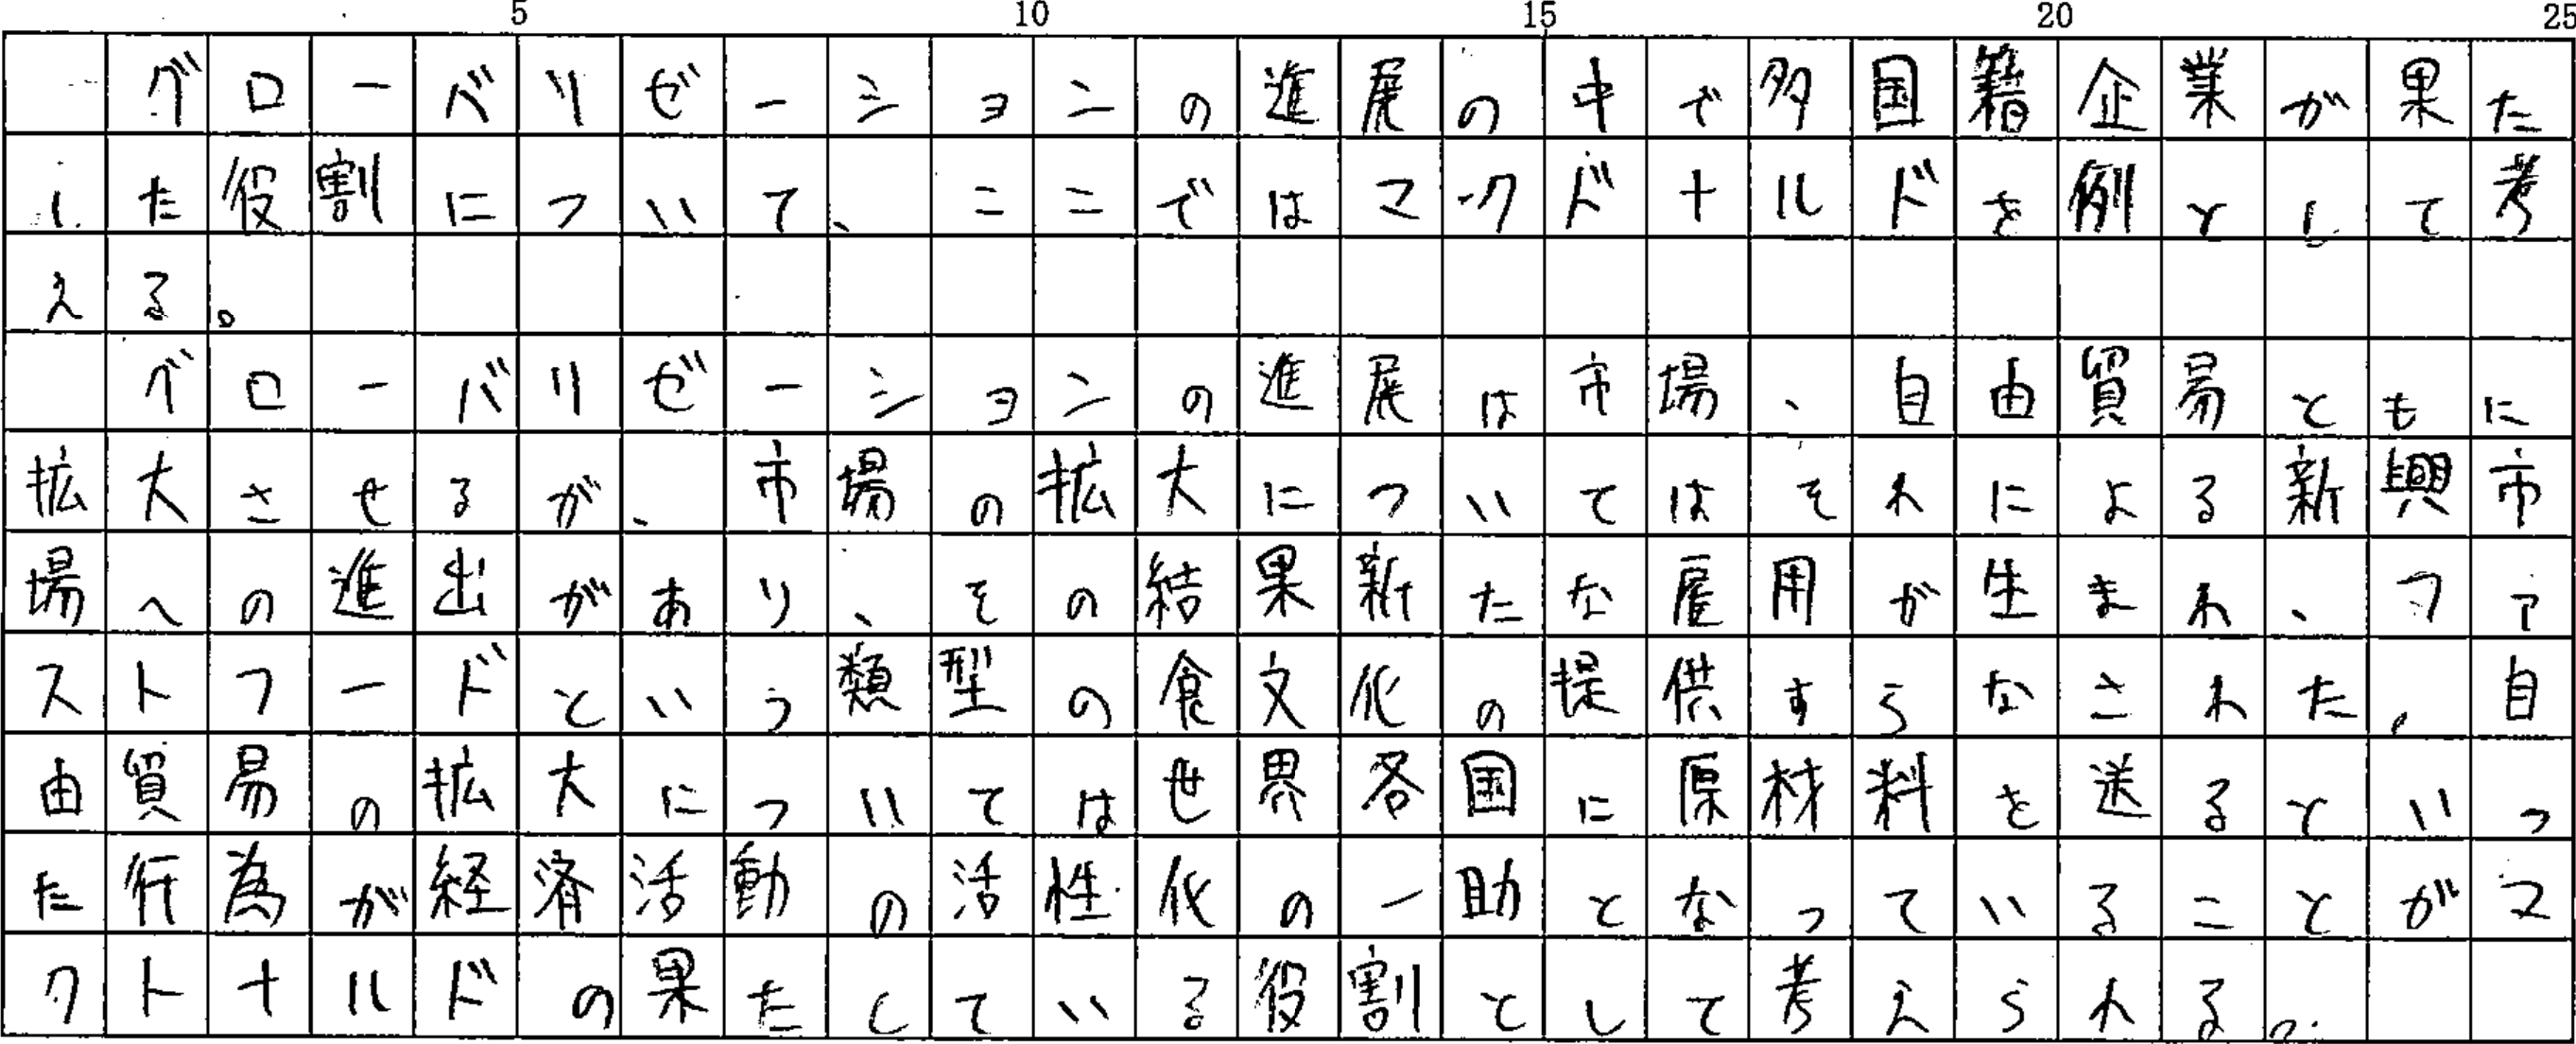　グローバリゼーションの進展の中で多国籍企業が果たした役割について、ここではマクドナルドを例として考える。
　グローバリゼーションの進展は市場、自由貿易ともに拡大させるが、市場の拡大についてはそれによる新興市場への進出があり、その結果新たな雇用が生まれ、ファストフードという類型の食文化の提供すらなされた。自由貿易の拡大については世界各国に原材料を送るといった行為が経済活動の活性化の一助となっていることがマクドナルドの果たしている役割として考えられる。
